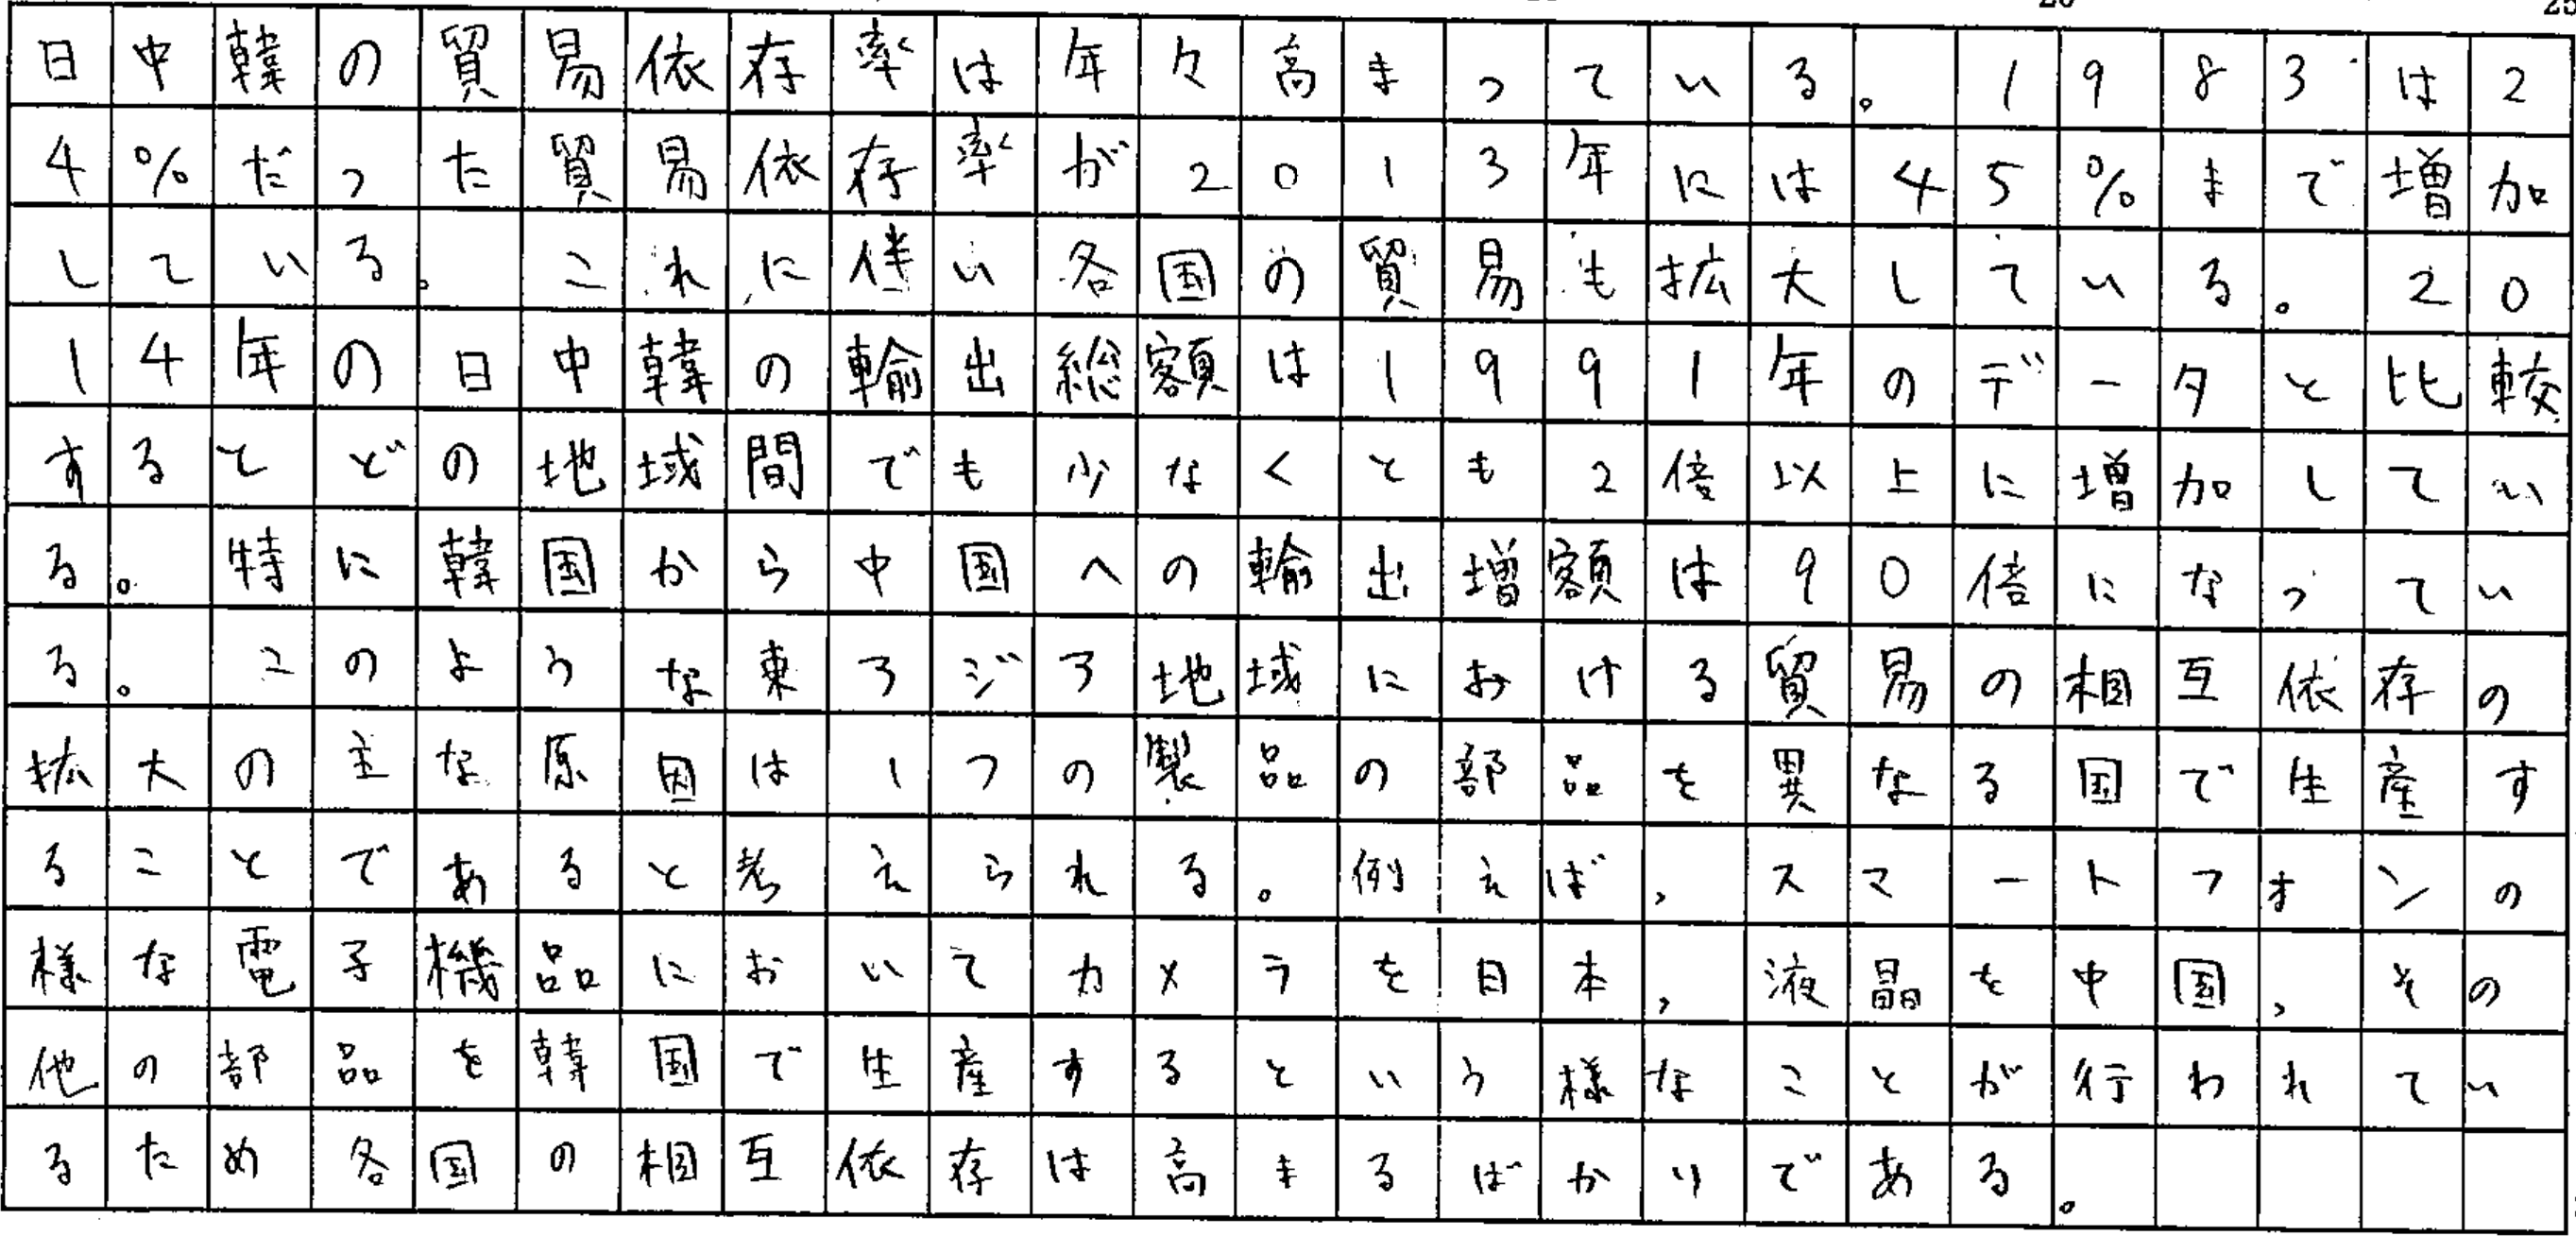日中韓の貿易依存率は年々高まっている。１９８３は２４％だった貿易依存率が２０１３年には４５％まで増加している。これに伴い各国の貿易も拡大している。２０１４年の日中韓の輸出総額は１９９１年のデータと比較するとどの地域間でも少なくとも２倍以上に増加している。特に韓国から中国への輸出増額は９０倍になっている。このような東アジア地域における貿易の相互依存の拡大の主な原因は１つの製品の部品を異なる国で生産することであると考えられる。例えば，スマートフォンの様な電子機品においてカメラを日本，液晶を中国，その他の部品を韓国で生産するという様なことが行われているため各国の相互依存は高まるばかりである。
